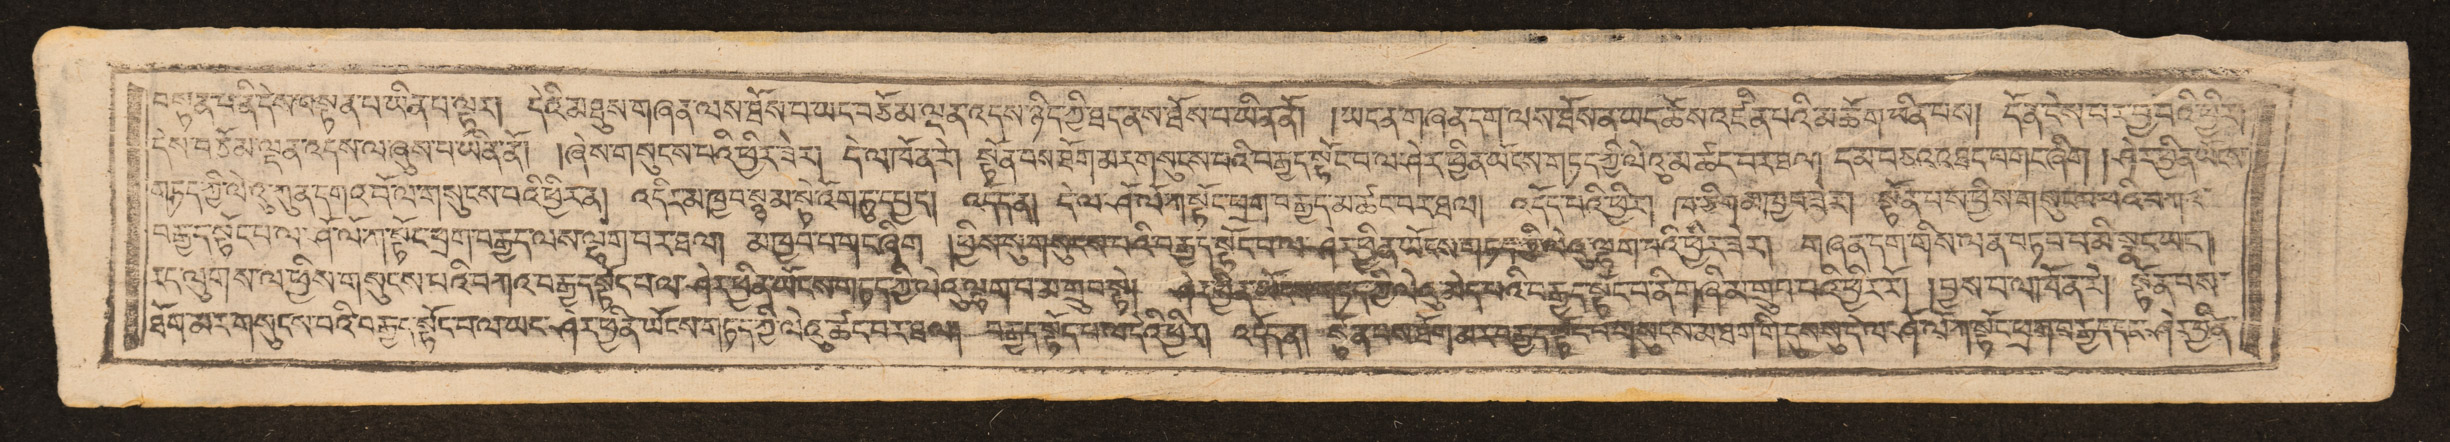བསྟན་པ་ནི་དེས་བསྟན་པ་ཡིན་པ་ལྟར། དེའི་མཐུས་གཞན་ལས་ཐོས་པ་ཡང་བཅོམ་ལྡན་འདས་ཉིད་ཀྱི་ཐད་ནས་ཐོས་པ་ཡིན་ནོ། །ཡང་ན་གཞན་དག་ལས་ཐོས་ན་ཡང་ཆོས་འཛིན་པའི་མཆོག་ཡིན་པས། དོན་ངེས་པར་བྱ་བའི་ཕྱིར།
དེས་བཅོམ་ལྡན་འདས་ལ་ཞུས་པ་ཡིན་ནོ། །ཞེས་གསུངས་པའི་ཕྱིར་ཟེར། དེ་ལ་ཁོ་ན་རེ། སྟོན་པས་ཐོག་མར་གསུངས་པའི་བརྒྱད་སྟོང་བ་ལ་ཤེར་ཕྱིན་ཡོངས་གཏད་ཀྱི་ལེའུ་མ་ཚང་བར་ཐལ། དམ་བཅའ་འཐད་པ་གང་ཞིག །ཤེར་ཕྱིན་ཡོངས་
གཏད་ཀྱི་ལེའུ་ཀུན་དགའ་བོ་ལ་གསུངས་པའི་ཕྱིར་ན། འདིར་མ་ཁྱབ་སྙམ་སྟེ་འོག་ཏུ་དཔྱད། འདོད་ན། དེ་ལ་ཤོ་ལོ་ཀ་སྟོང་ཕྲག་བརྒྱད་མ་ཚང་བར་ཐལ། འདོད་པའི་ཕྱིར། ཁ་ཅིག་མ་ཁྱབ་ཟེར། སྟོན་པས་ཕྱིས་གསུངས་པའི་བཀའ་
བརྒྱད་སྟོང་པ་ལ་ཤོ་ལོ་ཀ་སྟོང་ཕྲག་བརྒྱད་ལས་ལྷག་པར་ཐལ། མ་ཁྱབ་པ་གང་ཞིག །ཕྱིས་སུ་གསུངས་པའི་བརྒྱད་སྟོང་བ་ལ་ཤེར་ཕྱིན་ཡོངས་གཏད་ཀྱི་ལེའུ་ལྷག་པའི་ཕྱིར་ཟེར། གཞན་དག་གིས་ལན་བཏབ་པ་མི་སྣང་ཡང་།
རང་ལུགས་ལ་ཕྱིས་གསུངས་པའི་བཀའ་བརྒྱད་སྟོང་པ་ལ་ཤེར་ཕྱིན་ཡོངས་གཏད་ཀྱི་ལེའུ་ལྷག་པ་མ་གྲུབ་སྟེ། ཤེར་ཕྱིན་ཡོངས་གཏད་ཀྱི་ལེའུ་མེད་པའི་བརྒྱད་སྟོང་པ་ནི་གཞི་མ་གྲུབ་པའི་ཕྱིར་རོ། །བྱས་པ་ལ་ཁོ་ན་རེ། སྟོན་པས་
ཐོག་མར་གསུངས་པའི་བརྒྱད་སྟོང་པ་ལ་ཡང་ཤེར་ཕྱིན་ཡོངས་གཏད་ཀྱི་ལེའུ་ཚང་བར་ཐལ། བརྒྱད་སྟོང་པ་ལ་དེའི་ཕྱིར། འདོད་ན། སྟོན་པས་ཐོག་མར་བརྒྱད་སྟོང་བ་གསུངས་མ་ཐག་གི་དུས་སུ་དེ་ལ་ཤོ་ལོ་ཀ་སྟོང་ཕྲག་བརྒྱད་དང་ཤེར་ཕྱིན་